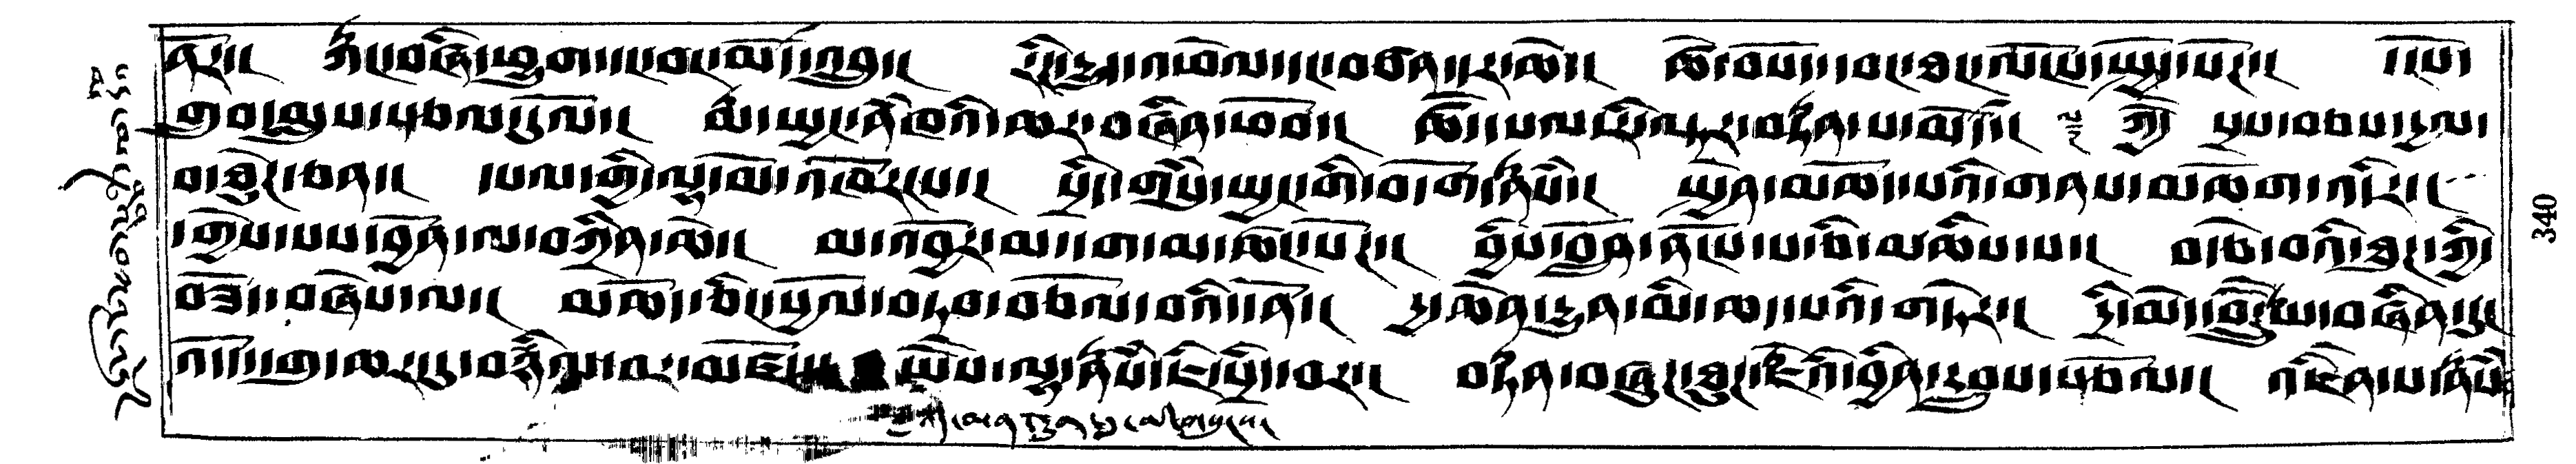ནོར། །རྐང་བཞི་ཕྱུགས་དང་བང་མཛོད་འབྲུ། །རིགས་རྒྱུད་འཕེལ་དང་བཙན་དར་ཆེ། །ཚེ་བསོད་དབང་ཐང་ལོངས་སྤྱོད་སོགས། །དངོས་
གྲུབ་མ་ལུས་སྩལ་དུ་གསོལ། །རྨ་གཡང་ནམ་མཁའི་ཆར་བཞིན་ཕོབ། །ཚེ་དཔལ་རི་ལྟར་བརྟན་པར་མཛོད། ༈ ཀྱཻ། སྲས་བཅས་རྒྱལ་
བ་ཐུགས་རྗེ་ཅན། །དཔལ་གྱི་ལྷ་མོ་འཁོར་དང་བཅས། །སྲིད་གསུམ་གཡང་གི་བདག་མོ་རྣམས། །སྤྱན་འདྲེན་མཆོད་པའི་གནས་མཆོག་འདིར། །
དགྱེས་པས་བྱོན་ལ་བཀའ་དྲིན་ཆེ། །མ་འབྱོར་མ་དག་མ་ཚང་སོགས། །བྱིས་བློས་ནོངས་པ་ཅི་མཆིས་པ། །བརྩེ་བའི་ཐུགས་ཀྱིས་
བཟོད་བཞེས་ལ། །མཆོད་ཅིང་གསོལ་བཏབ་བཅོལ་བའི་དོན། །རྒྱ་ཆེན་རྒྱུན་མི་ཆད་པའི་གཏེར། །དྲི་མེད་བཻཌཱུརྻ་བཞིན་དུ། །
འདོད་དགུ་ཆར་དུ་བསྙིལ་བར་མཛོད། ༈ ཡེ་ཤེས་ལྷ་རྣམས་ཇི་སྲིད་བར། །བརྟན་བཞུགས་ཐུགས་རྗེའི་བྱིན་རླབས་སྩོལ། །འཇིག་རྟེན་པ་རྣམས་